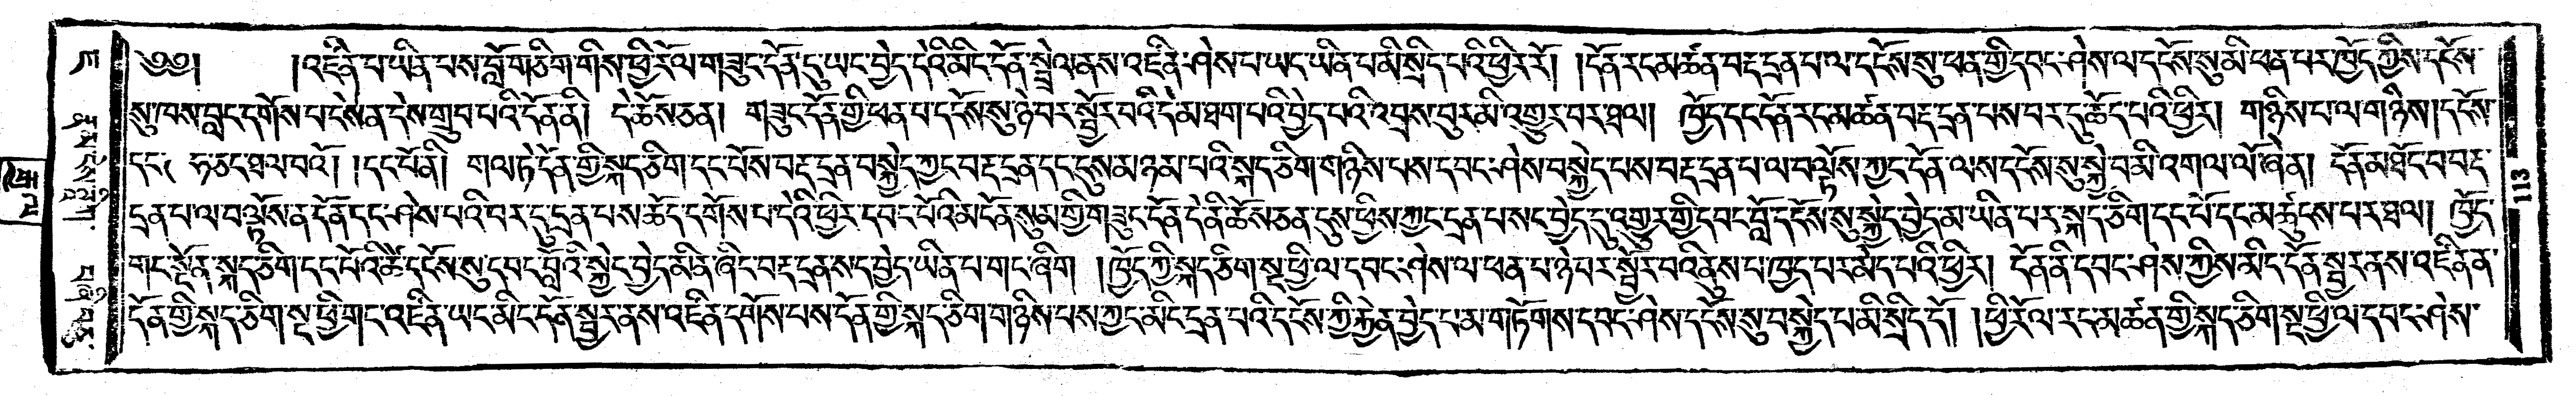༄༅། །འཛིན་པ་ཡིན་པས་བློ་གཅིག་གིས་ཕྱི་རོལ་གཟུང་དོན་དུ་ཡང་བྱེད་དེའི་མིང་དོན་སྦྲེལ་ནས་འཛིན་ཤེས་པ་ཡང་ཡིན་པ་མི་སྲིད་པའི་ཕྱིར་རོ། །དོན་རང་མཚན་བརྡ་དྲན་པ་ལ་དངོས་སུ་ཕན་གྱི་དབང་ཤེས་ལ་དངོས་སུ་མི་ཕན་པར་ཁྱོད་ཀྱིས་དངོས་
སུ་ཁས་བླང་དགོས་པ་ངེས་ན་དེས་གྲུབ་པའི་དོན་ནི། དེ་ཆོས་ཅན། གཟུང་དོན་གྱི་ཕན་པ་དངོས་སུ་ཉེ་བར་སྦྱོར་བའི་དེ་མ་ཐག་པའི་བྱེད་པའི་འབྲས་བུར་མི་འགྱུར་བར་ཐལ། ཁྱོད་དང་དོན་རང་མཚན་བརྡ་དྲན་པས་བར་དུ་ཆོད་པའི་ཕྱིར། གཉིས་པ་ལ་གཉིས། དངོས་
དང་། ཧ་ཅང་ཐལ་བའོ། །དང་པོ་ནི། གལ་ཏེ་དོན་གྱི་སྐད་ཅིག་དང་པོས་བརྡ་དྲན་བསྐྱེད་ཀྱང་བརྡ་དྲན་དང་དུས་མཉམ་པའི་སྐད་ཅིག་གཉིས་པས་དབང་ཤེས་བསྐྱེད་པས་བརྡ་དྲན་པ་ལ་བལྟོས་ཀྱང་དོན་ལས་དངོས་སུ་སྐྱེ་བ་མི་འགལ་ལོ་ཞེ་ན། དོན་མཐོང་བ་བརྡ་
དྲན་པ་ལ་བལྟོས་ན་དོན་དང་ཤེས་པའི་བར་དུ་དྲན་པས་ཆོད་དགོས་པ་དེའི་ཕྱིར་དབང་པོའི་མངོན་སུམ་གྱི་གཟུང་དོན་དེ་ནི་ཆོས་ཅན་དུས་ཕྱིས་ཀྱང་དྲན་པ་སང་བྱེད་དུ་འགྱུར་གྱི་དབང་བློ་དངོས་སུ་སྐྱེད་བྱེད་མ་ཡིན་པར་སྐད་ཅིག་དང་པོ་དང་མཚུངས་པར་ཐལ། ཁྱོད་
གང་སྔོན་སྐད་ཅིག་དང་པོའི་ཚེ་དངོས་སུ་དབང་བློའི་སྐྱེད་བྱེད་མིན་ཞིང་བརྡ་དྲན་སད་བྱེད་ཡིན་པ་གང་ཞིག །ཁྱོད་ཀྱི་སྐད་ཅིག་སྔ་ཕྱི་ལ་དབང་ཤེས་ལ་ཕན་པ་ཉེ་བར་སྦྱོར་བའི་ནུས་པ་ཁྱད་པར་མེད་པའི་ཕྱིར། དོན་ནི་དབང་ཤེས་ཀྱིས་མིང་དོན་སྦྱར་ནས་འཛིན་ན་
དོན་གྱི་སྐད་ཅིག་སྔ་ཕྱི་གང་འཛིན་ཡང་མིང་དོན་སྦྱར་ནས་འཛིན་དགོས་པས་དོན་གྱི་སྐད་ཅིག་གཉིས་པས་ཀྱང་མིང་དྲན་པའི་དངོས་ཀྱི་རྐྱེན་བྱེད་པ་མ་གཏོགས་དབང་ཤེས་དངོས་སུ་བསྐྱེད་པ་མི་སྲིད་དོ། །ཕྱི་རོལ་རང་མཚན་གྱི་སྐད་ཅིག་སྔ་ཕྱི་ལ་དབང་ཤེས་